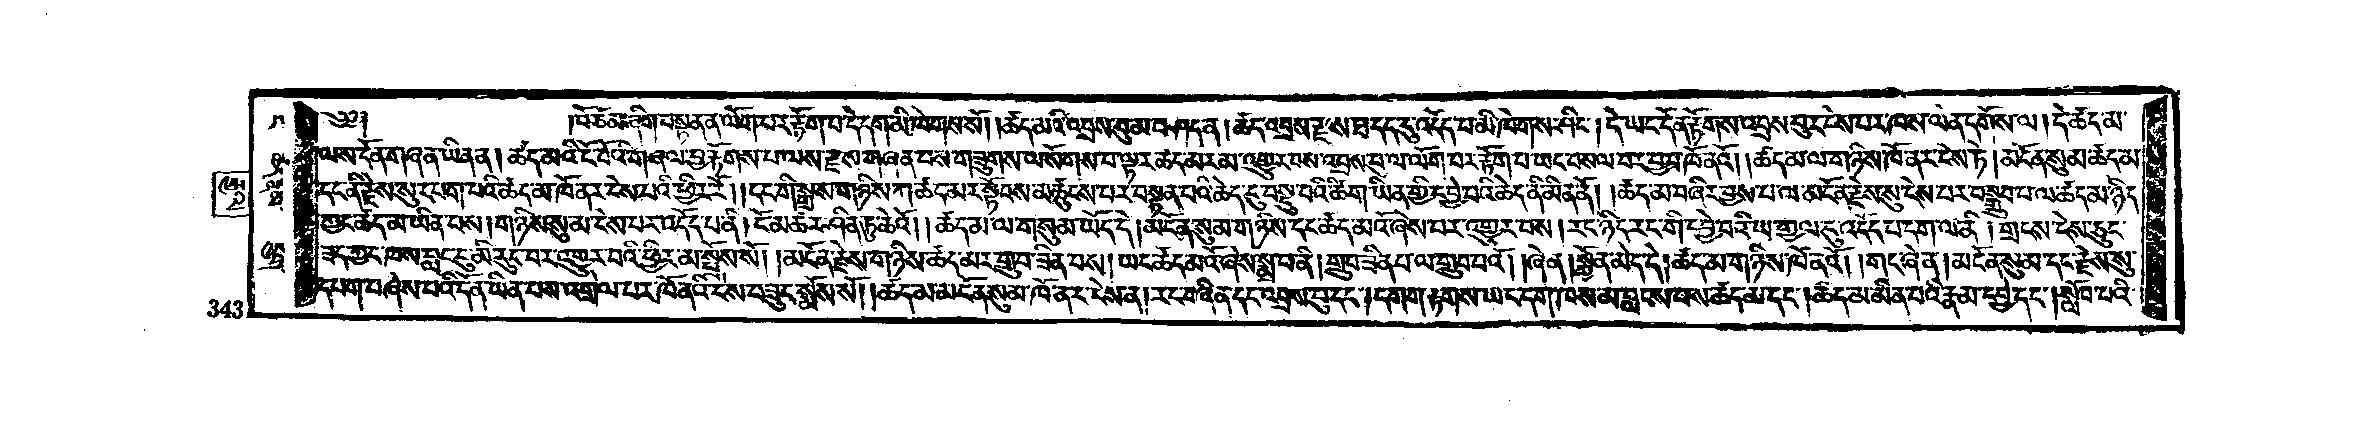༄༅། །པོ་ཙམ་ཞིག་བསྟན་ན་ལོག་པར་རྟོག་པ་དེ་དག་མི་ཁེགས་སོ། །ཚད་མའི་འབྲས་བུ་མ་བཤད་ན། ཚད་འབྲས་རྫས་ཐ་དད་དུ་འདོད་པ་མི་ཁེགས་ཤིང་། དེ་ཡང་དོན་རྟོགས་འབྲས་བུར་ངེས་པར་ཁས་ལེན་དགོས་ལ། དེ་ཚད་མ་
ལས་དོན་གཞན་ཡིན་ན། ཚད་མའི་ངོ་བོའི་གཞལ་བྱ་རྟོགས་པ་ལས་རྫས་གཞན་པས་གཟུགས་ལ་སོགས་པ་ལྟར་ཚད་མར་མ་འགྱུར་བས་འབྲས་བུ་ལ་ལོག་པར་རྟོག་པ་ཡང་བསལ་བར་བྱ་བ་ཁོ་ནའོ། །ཚད་མ་ལ་གཉིས་ཁོ་ནར་ངེས་ཏེ། མངོན་སུམ་ཚད་མ་
དང་ནི་རྗེས་སུ་དཔག་པའི་ཚད་མ་ཁོ་ནར་ངེས་པའི་ཕྱིར་རོ། །དང་གི་སྒྲས་གཉིས་ཀ་ཚད་མར་སྟོབས་མཚུངས་པར་བསྟན་པའི་ཆེད་དུ་བསྡུ་བའི་ཚིག་ཡིན་གྱི་དབྱེ་བའི་ཆེད་ནི་མིན་ནོ། །ཚད་མ་བཞིར་བྱས་པ་ལ་མངོན་རྗེས་སུ་ངེས་པར་བསྒྲུབ་པ་ལ་ཚད་མ་ཉིད་
ཀྱང་ཚད་མ་ཡིན་པས། གཉིས་སུ་མ་ངེས་པར་འདོད་པ་ནི། ངོ་མཚར་ཤིན་ཏུ་ཆེའོ། །ཚད་མ་ལ་གསུམ་ཡོད། མངོན་སུམ་གཉིས་དང་ཚད་མའོ་ཞེས་པར་འགྱུར་བས། རང་ཉིད་རང་གི་དབྱེ་བའི་ཡ་གྱལ་དུ་འདོད་པ་དག་ལ་ནི། གྲངས་ངེས་ཅུང་
ཟད་ཀྱང་ཁས་བླང་དུ་མི་རུང་བའི་འགྱུར་བའི་ཕྱིར་མ་སྤྲོས་སོ། །མངོན་རྗེས་གཉིས་ཚད་མར་གྲུབ་ཟིན་པ། ཡང་ཚད་མའོ་ཞེས་སྨྲ་བ་ནི། གྲུབ་ཟིན་པ་ལ་གྲུབ་པའོ། །ཞེ་ན། སྐྱོན་མེད་དེ། ཚད་མ་གཉིས་ཁོ་ནའོ། །གང་ཞེ་ན། མངོན་སུམ་དང་རྗེས་སུ་
དཔག་པ་ཞེས་པའི་དོན་ཡིན་པས་འགྲེལ་པར་ཁོ་ནའི་ངེས་བཟུང་སྨོས་སོ། །ཚད་མ་མངོན་སུམ་ཁོ་ནར་ངེས་ན། རང་བཞིན་དང་འབྲས་བུ་དང་། དགག་རྟགས་ཡང་དག་ཁས་མ་བླངས་པས་ཚད་མ་དང་། ཚད་མ་མིན་པའི་རྣམ་དབྱེ་དང་། སློབ་པའི་